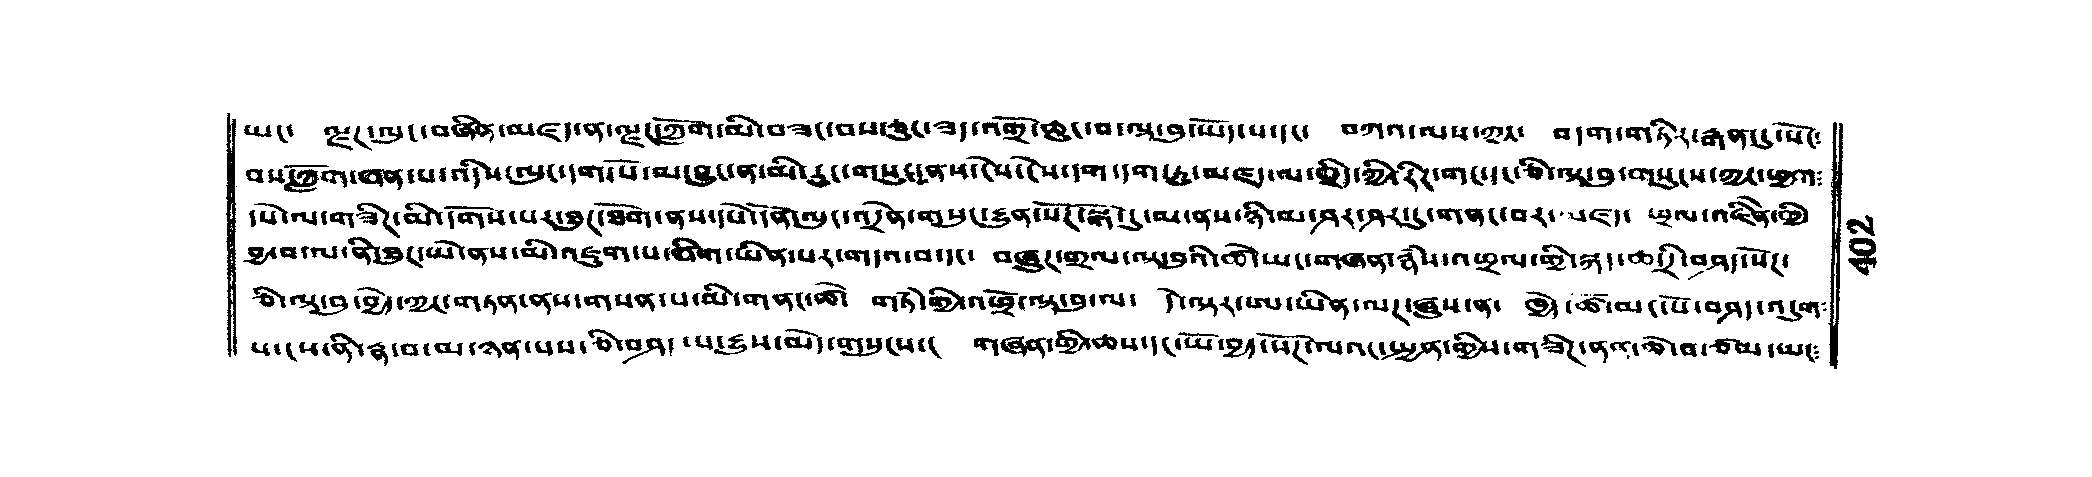ཡང་། ལྗགས་ལུང་བཞིན་མཛད་ན་ལྗགས་ཀློག་མི་བཟང་བས་ཅུང་ཟད་འགྲོ་ཆུང་བ་ལྟ་བུ་ཡོད་པ་དང་། བཀའ་ལས་ཀྱང་། བདག་གཏིར་རྒན་དུ་སོང་
བས་ཀློག་ཞན་པ་འདིས་ལུང་དག་པོ་མ་བྱུང་ན་མི་རུང་གསུངས་ནས་ངེས་ངེས་དག་དག་ཏུ་མཛད་ལ་ཁྲིད་ཀྱི་རིགས་གང་དང་ཅི་ལྟ་བུ་གསུངས་ཀྱང་ཕྱག་
དཔེ་ལ་གཟིགས་མི་དགོས་པར་ཐུགས་ཐོག་ནས་དཔེ་དོན་ལུང་འདྲེན་གསུང་རྒྱུན་སོགས་སྒོ་དུ་མ་ནས་ཉི་མ་ཤར་ཤར་དུ་གནང་བར་མཛད། འཕྲལ་འཇིག་རྟེན་གྱི་
བྱ་བ་ལ་ནི་ཐུགས་ཡེ་ནས་མི་འཇུག་པ་ཞིག་ཡིན་པར་གདའ་བ་དང་། བཞུགས་གྲལ་ལྟ་བུའི་ཚེ་ཡང་གཞན་རྣམས་འཕྲལ་གྱི་སྐད་ཆ་དྲི་བཤད་སོགས་
ཅི་ལྟ་བུ་བྱེད་ཀྱང་གཏན་ནས་གསན་པ་མི་གནང་ཚེ། གཏམ་གྱི་འཕྲོ་ལྟ་བུ་ལ། དེ་ལྟར་ཨ་ཡིན་ལགས་ཞུས་ན། ཁྱེད་ཚོ་མང་པོ་བཤད་འདུག་
པ་ངས་ནི་རྣ་བ་མ་ཉན་པས་ཅི་བཤད་པ་རྒྱུས་མེད་གསུངས།གཞན་གྱི་ཆས་དང་ཡོ་བྱད་སོགས་ལའང་སྤྱན་གྱིས་གཟིགས་ནན་ཆེ་བ་ཙམ་ཡང་